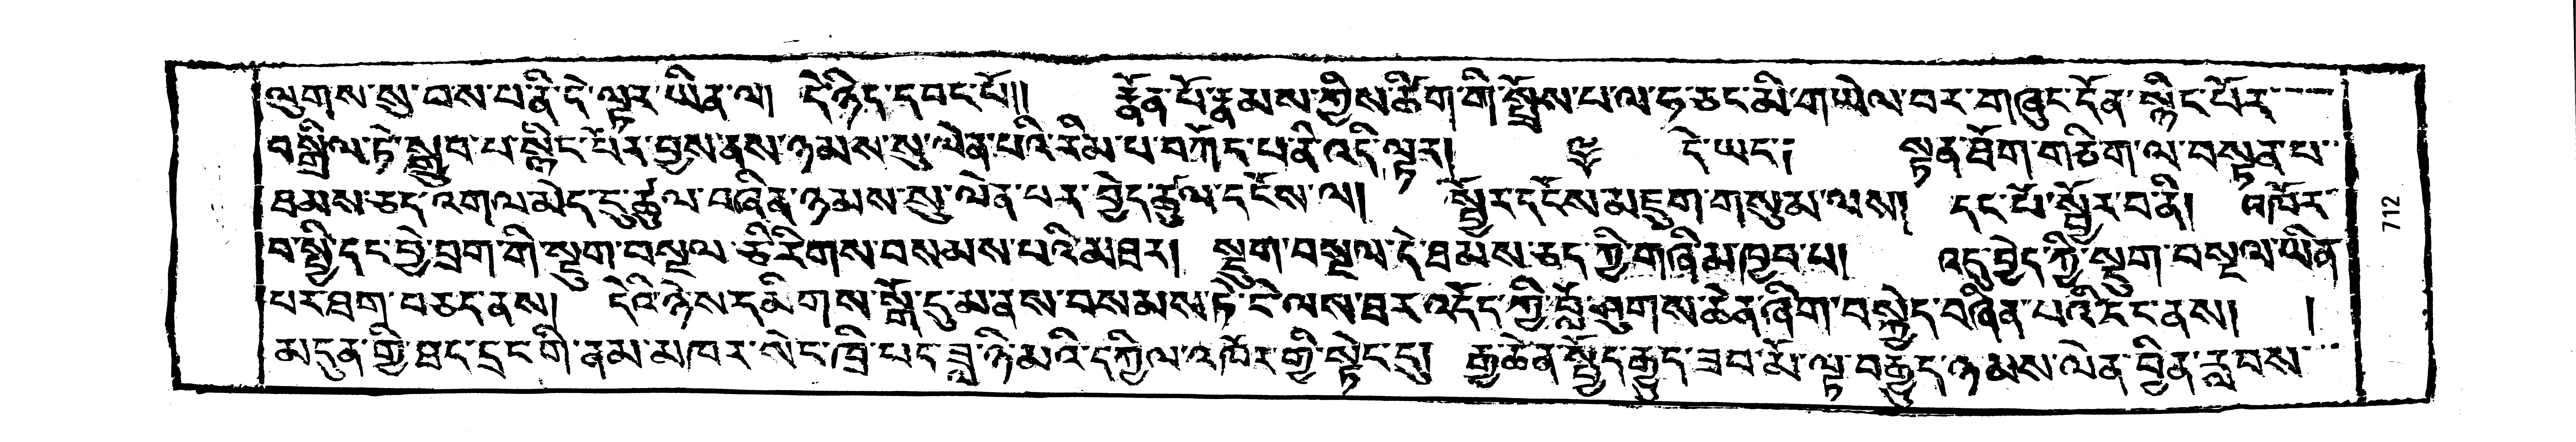ལུགས་སུ་བས་པ་ནི་དེ་ལྟར་ཡིན་ལ། དེ་ཉིད་དབང་པོ། །རྣོན་པོ་རྣམས་ཀྱིས་ཚིག་གི་སྤྲོས་པ་ལ་ཧ་ཅང་མི་གཡེལ་བར་གཞུང་དོན་སྙིང་པོར་
བསྒྲིལ་ཏེ་སྒྲུབ་པ་སྙིང་པོར་བྱས་ནས་ཉམས་སུ་ལེན་པའི་རིམ་པ་བཀོད་པ་ནི་འདི་ལྟར། ༈ དེ་ཡང༑ སྟན་ཐོག་གཅིག་ལ་བསྟན་པ་
ཐམས་ཅད་འགལ་མེད་དུ་ཚུལ་བཞིན་ཉམས་སུ་ལེན་པར་བྱེད་ཚུལ་དངོས་ལ། སྦྱོར་དངོས་མཇུག་གསུམ་ལས། དང་པོ་སྦྱོར་བ་ནི། འཁོར་
བ་སྤྱི་དང་བྱེ་བྲག་གི་སྡུག་བསྔལ་ཅི་རིགས་བསམས་པའི་མཐར། སྡུག་བསྔལ་དེ་ཐམས་ཅད་ཀྱི་གཞི་མ་ཁྱབ་པ། འདུ་བྱེད་ཀྱི་སྡུག་བསྔལ་ཡིན་
པར་ཐག་བཅད་ནས། དེའི་ཉེས་དམིགས་སྒོ་དུ་མ་ནས་བསམས་ཏེ་དེ་ལས་ཐར་འདོད་ཀྱི་བློ་ཤུགས་ཆེན་ཞིག་བསྐྱེད་བཞིན་པའི་ངང་ནས། །
མདུན་གྱི་ཐད་དྲང་གི་ནམ་མཁར་སེང་ཁྲི་པད་ཟླ་ཉི་མའི་དཀྱིལ་འཁོར་གྱི་སྟེང་དུ། རྒྱ་ཆེན་སྤྱོད་རྒྱུད་ཟབ་མོ་ལྟ་བརྒྱུད་ཉམས་ལེན་བྱིན་རླབས་